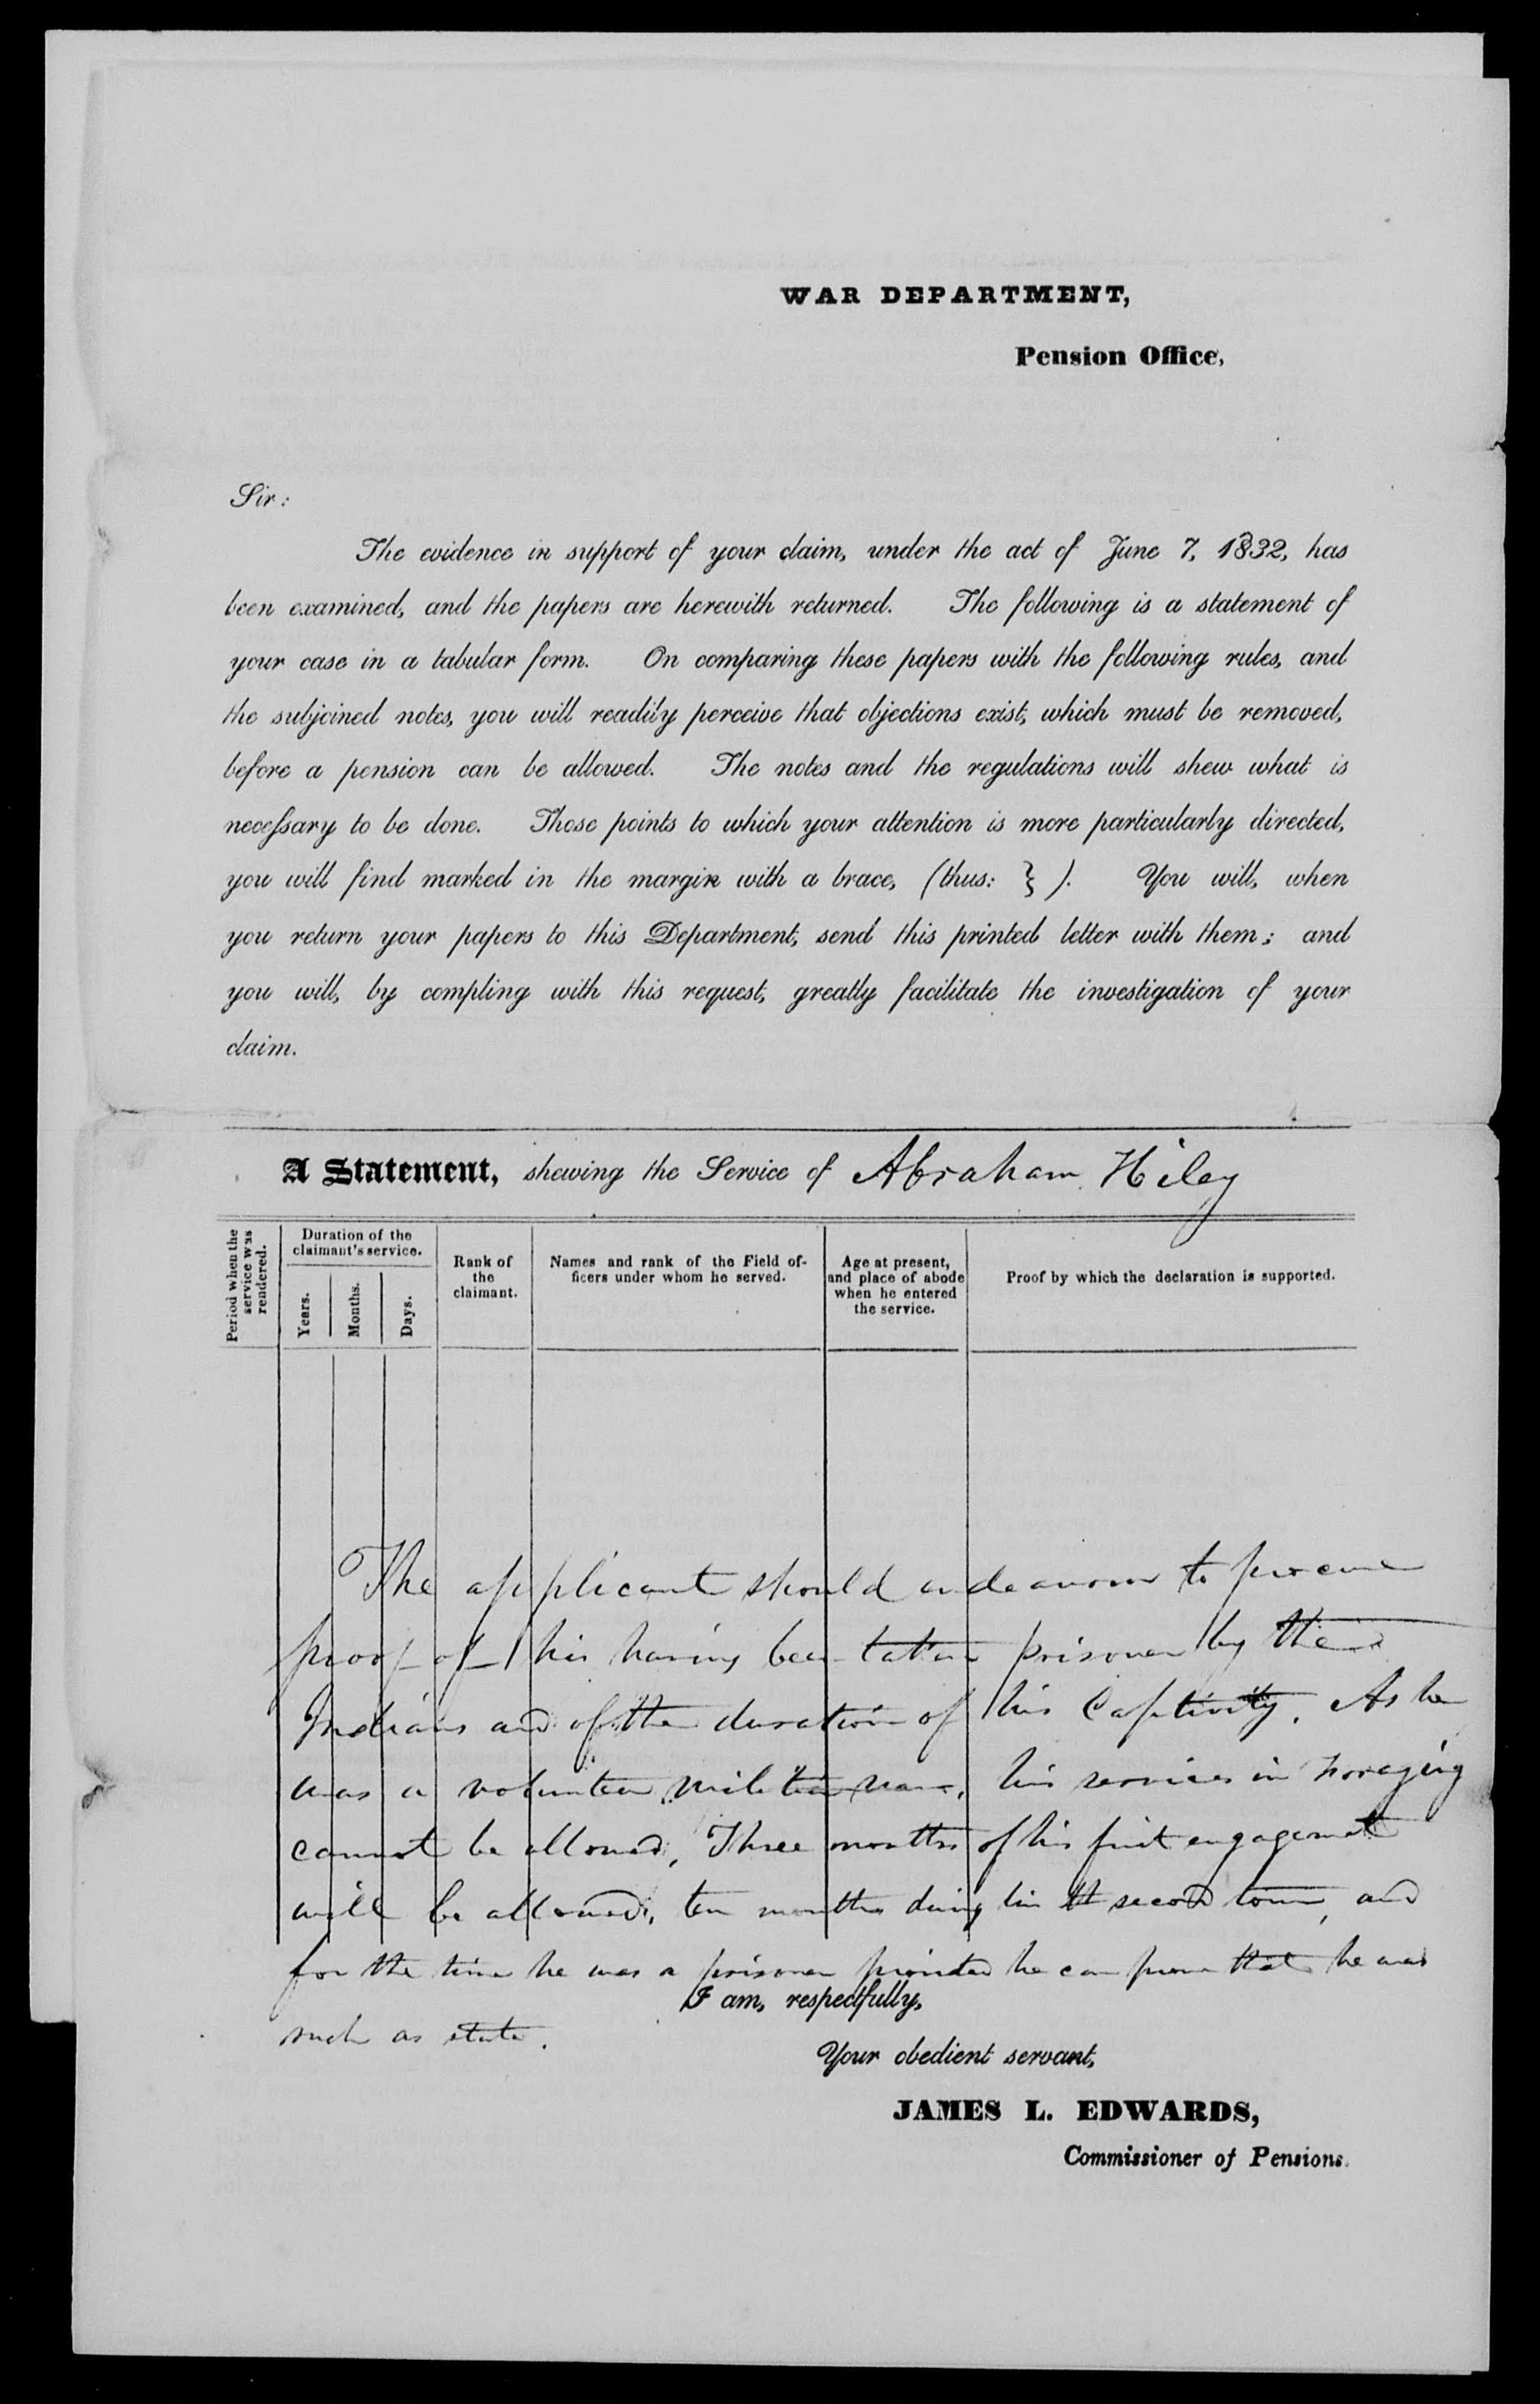WAR DEPARTMENT,
Pension Office,
Sir,
The evidence in support of your claim, under the act of June 7, 1832, has been examined, and the papers are herewith returned. The following is a statement of your case in a tabular form. On comparing these papers with the following rules, and the subjoined notes, you will readily perceive that objections exist, which must be removed, before a pension can be allowed. The notes and the regulations will shew what is necessary to be done. Those points to which your attention is more particularly directed, you will find marked in the margin with a brace, (thus: }). You will, when you return your papers to this Department, send this printed letter with them; and you will, by compling with this request, greatly facilitate the investigation of your claim.

A Statement shewing the Service of Abraham Hiley
The applicant should endeavor to procure proof of his having been taken prisoner by the Indians and of the duration of his captivity. As he was a volunteer with the [illegtible], his services in foraging cannot be allowed. Three months of his first engagement will be allowed, ten months during his second tour, and for the time he was a prisoner provided he can prove that he was such as stated.
I am, respectfully, your obedient servant,
James L. Edwards, Commissioner of Pensions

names: Abraham Hiley, James L Edwards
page: 4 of 18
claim: survivor's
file: S. 31744, Abraham Hiley, Penn.